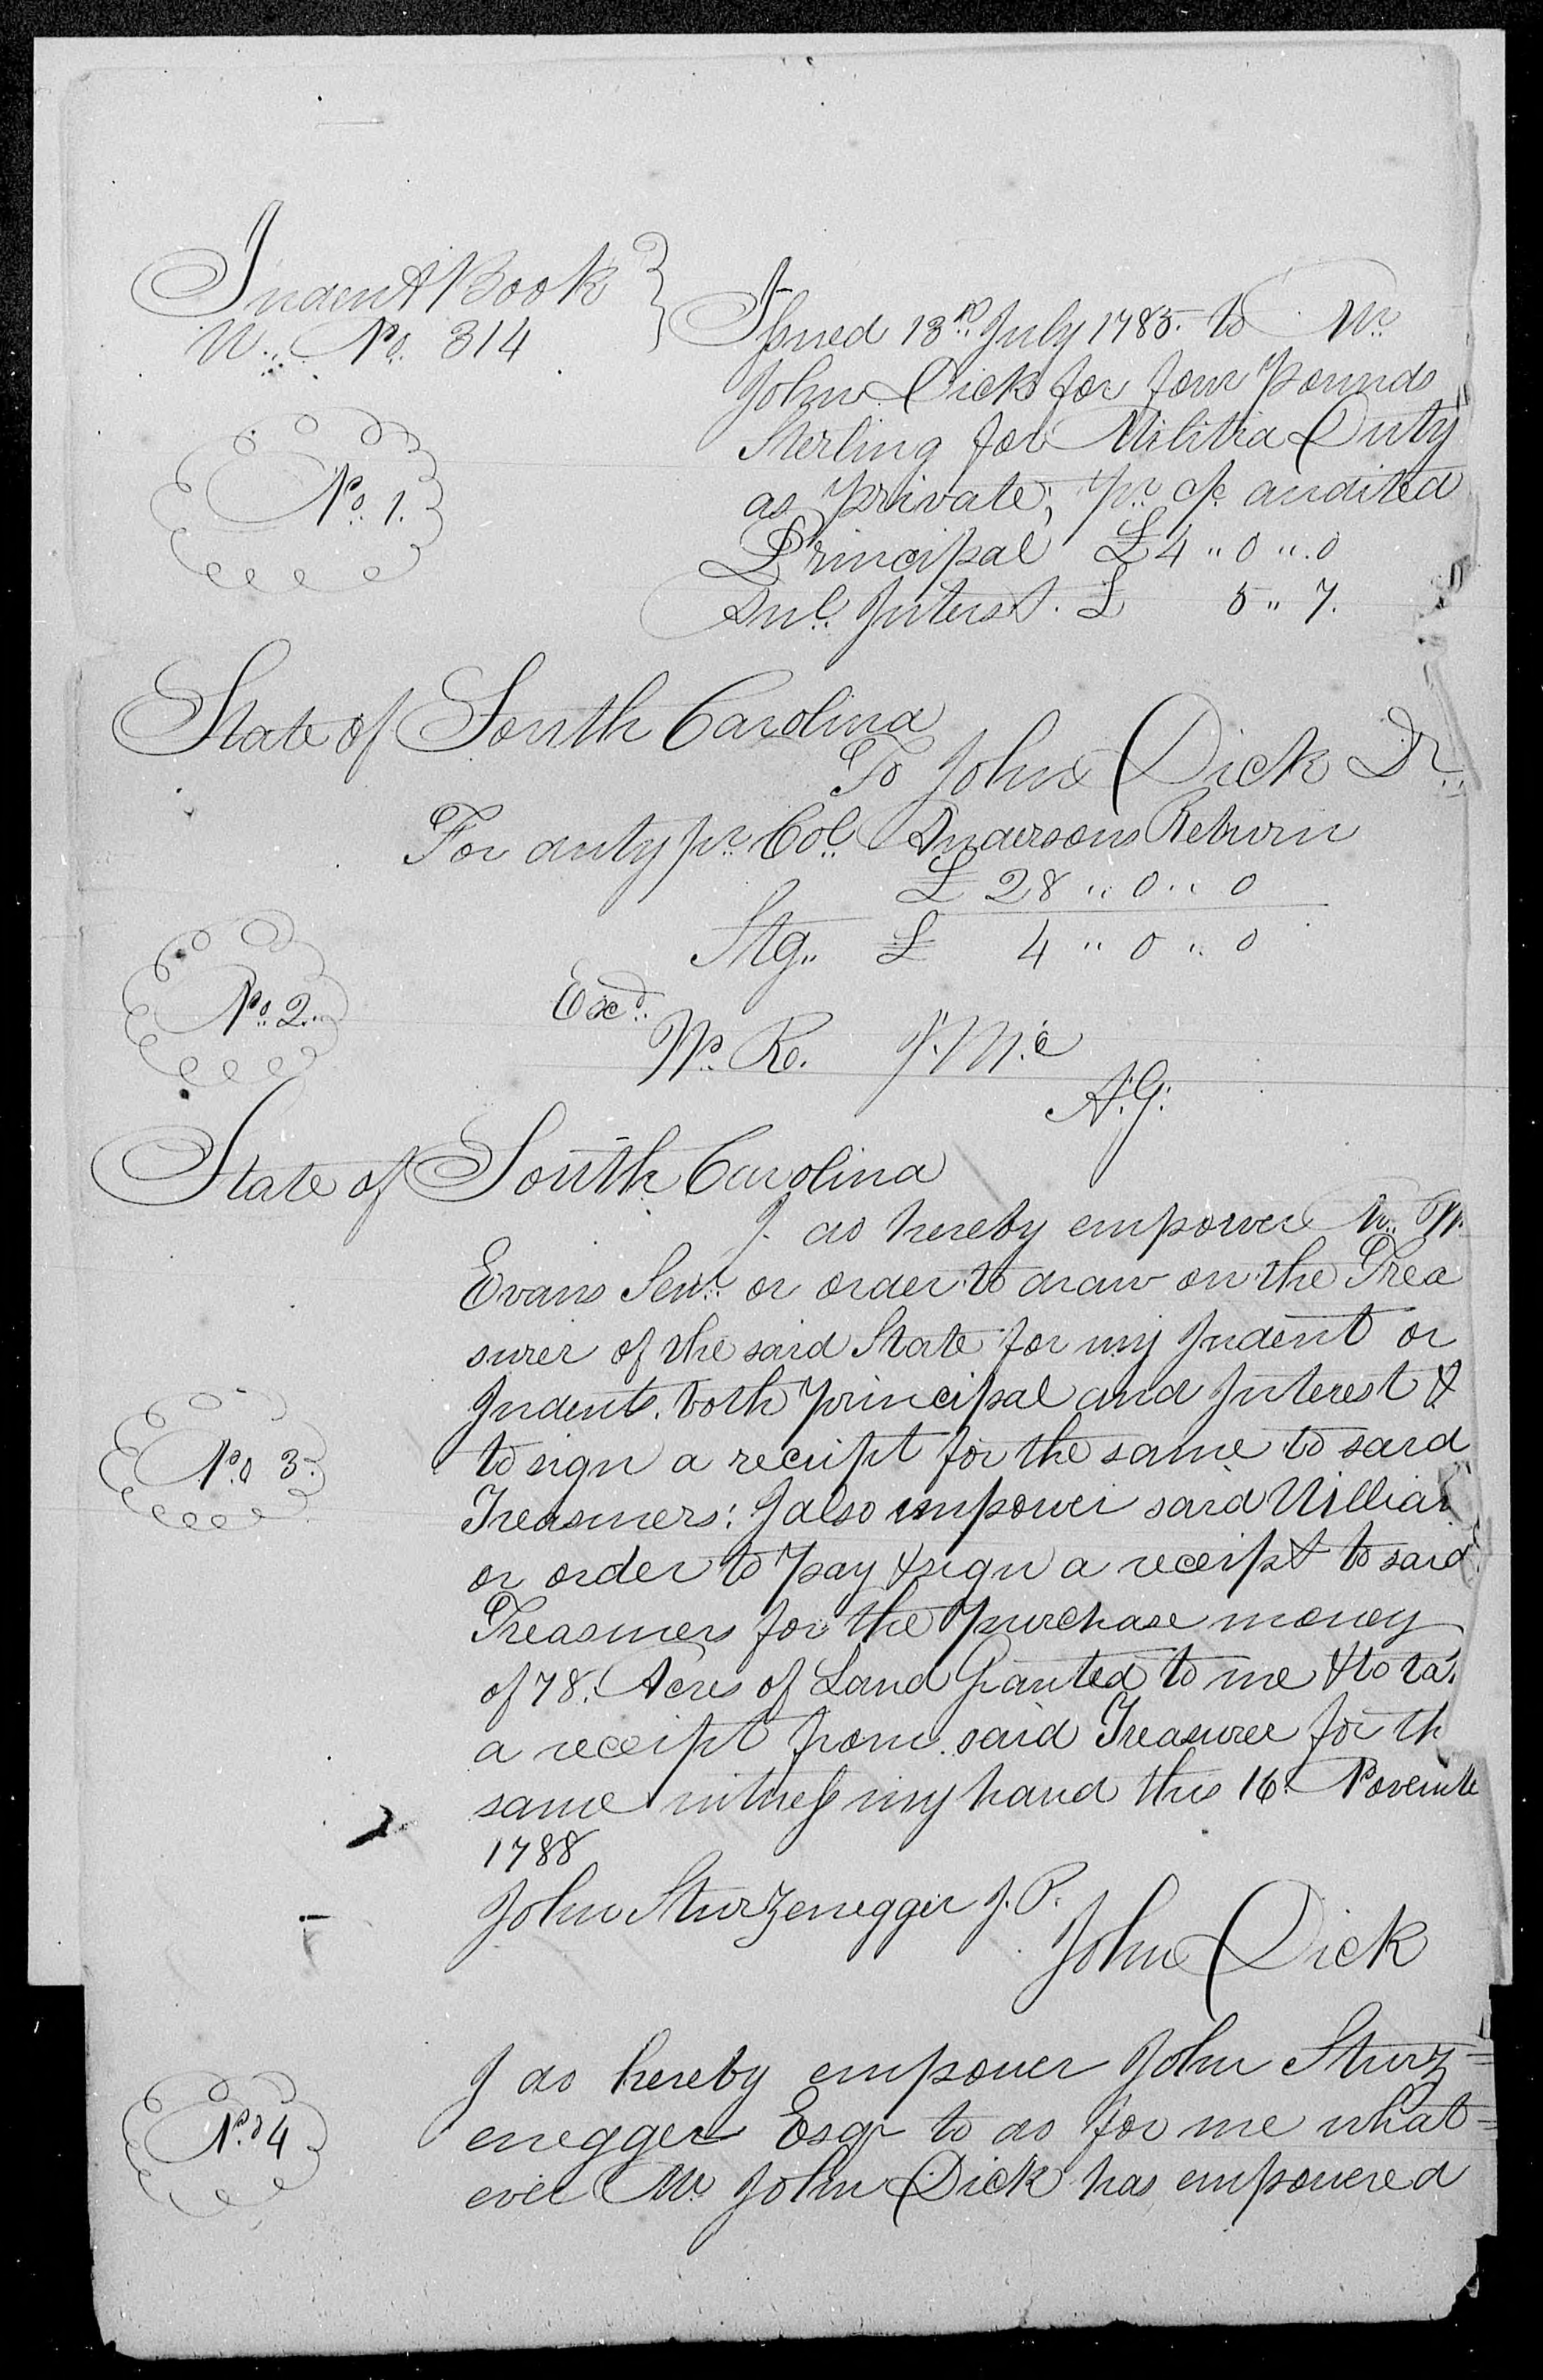Indent Book N.  No 314}
No. 1 Issued 18th July 1785 to Mr John Dick for four pounds Sterling for Militia Duty as private, [illegilbe] audited 24 . Principal [pound symbol] 4"0"0 [illegible] [pound symbol]  5 " 7. 
State of South Carolina  
No. 2 To John Dick Jr For duty for Col Andersons [illegible]
 [pound symbol} 28"0"0
[illegible] [pound symbol]  4 "0 "0
 W. R. J. M. A.G.
State of South Carolina  No. 3
I do hereby empower to Mr. William Evans Senr or order to draw on the Treasurer of the said State for my Indent or Indent, both principal and Interest & to sign a receipt for the same to said Treasurers; I also empower said William or order to pay & sign a receipt to said Treasurers for the purchase money of 7 Acres of Land Granted to me & [illegible] a receipt from said Treasurer for the same witness my hand this 16th November 1788. John Sturzeregger John Dick 
No. 4 I do hereby empower John Sturzeregger Esgn. to do for me what  ever Mr John Dick has empowered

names: John Dick, Anderson Reburn, John Dick, Williard, John Sturzenegger, John Dick, John Dick, John Sturzenegger, Wm Evans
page: 26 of 31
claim: widow's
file: W. 8668, John Dick, S C